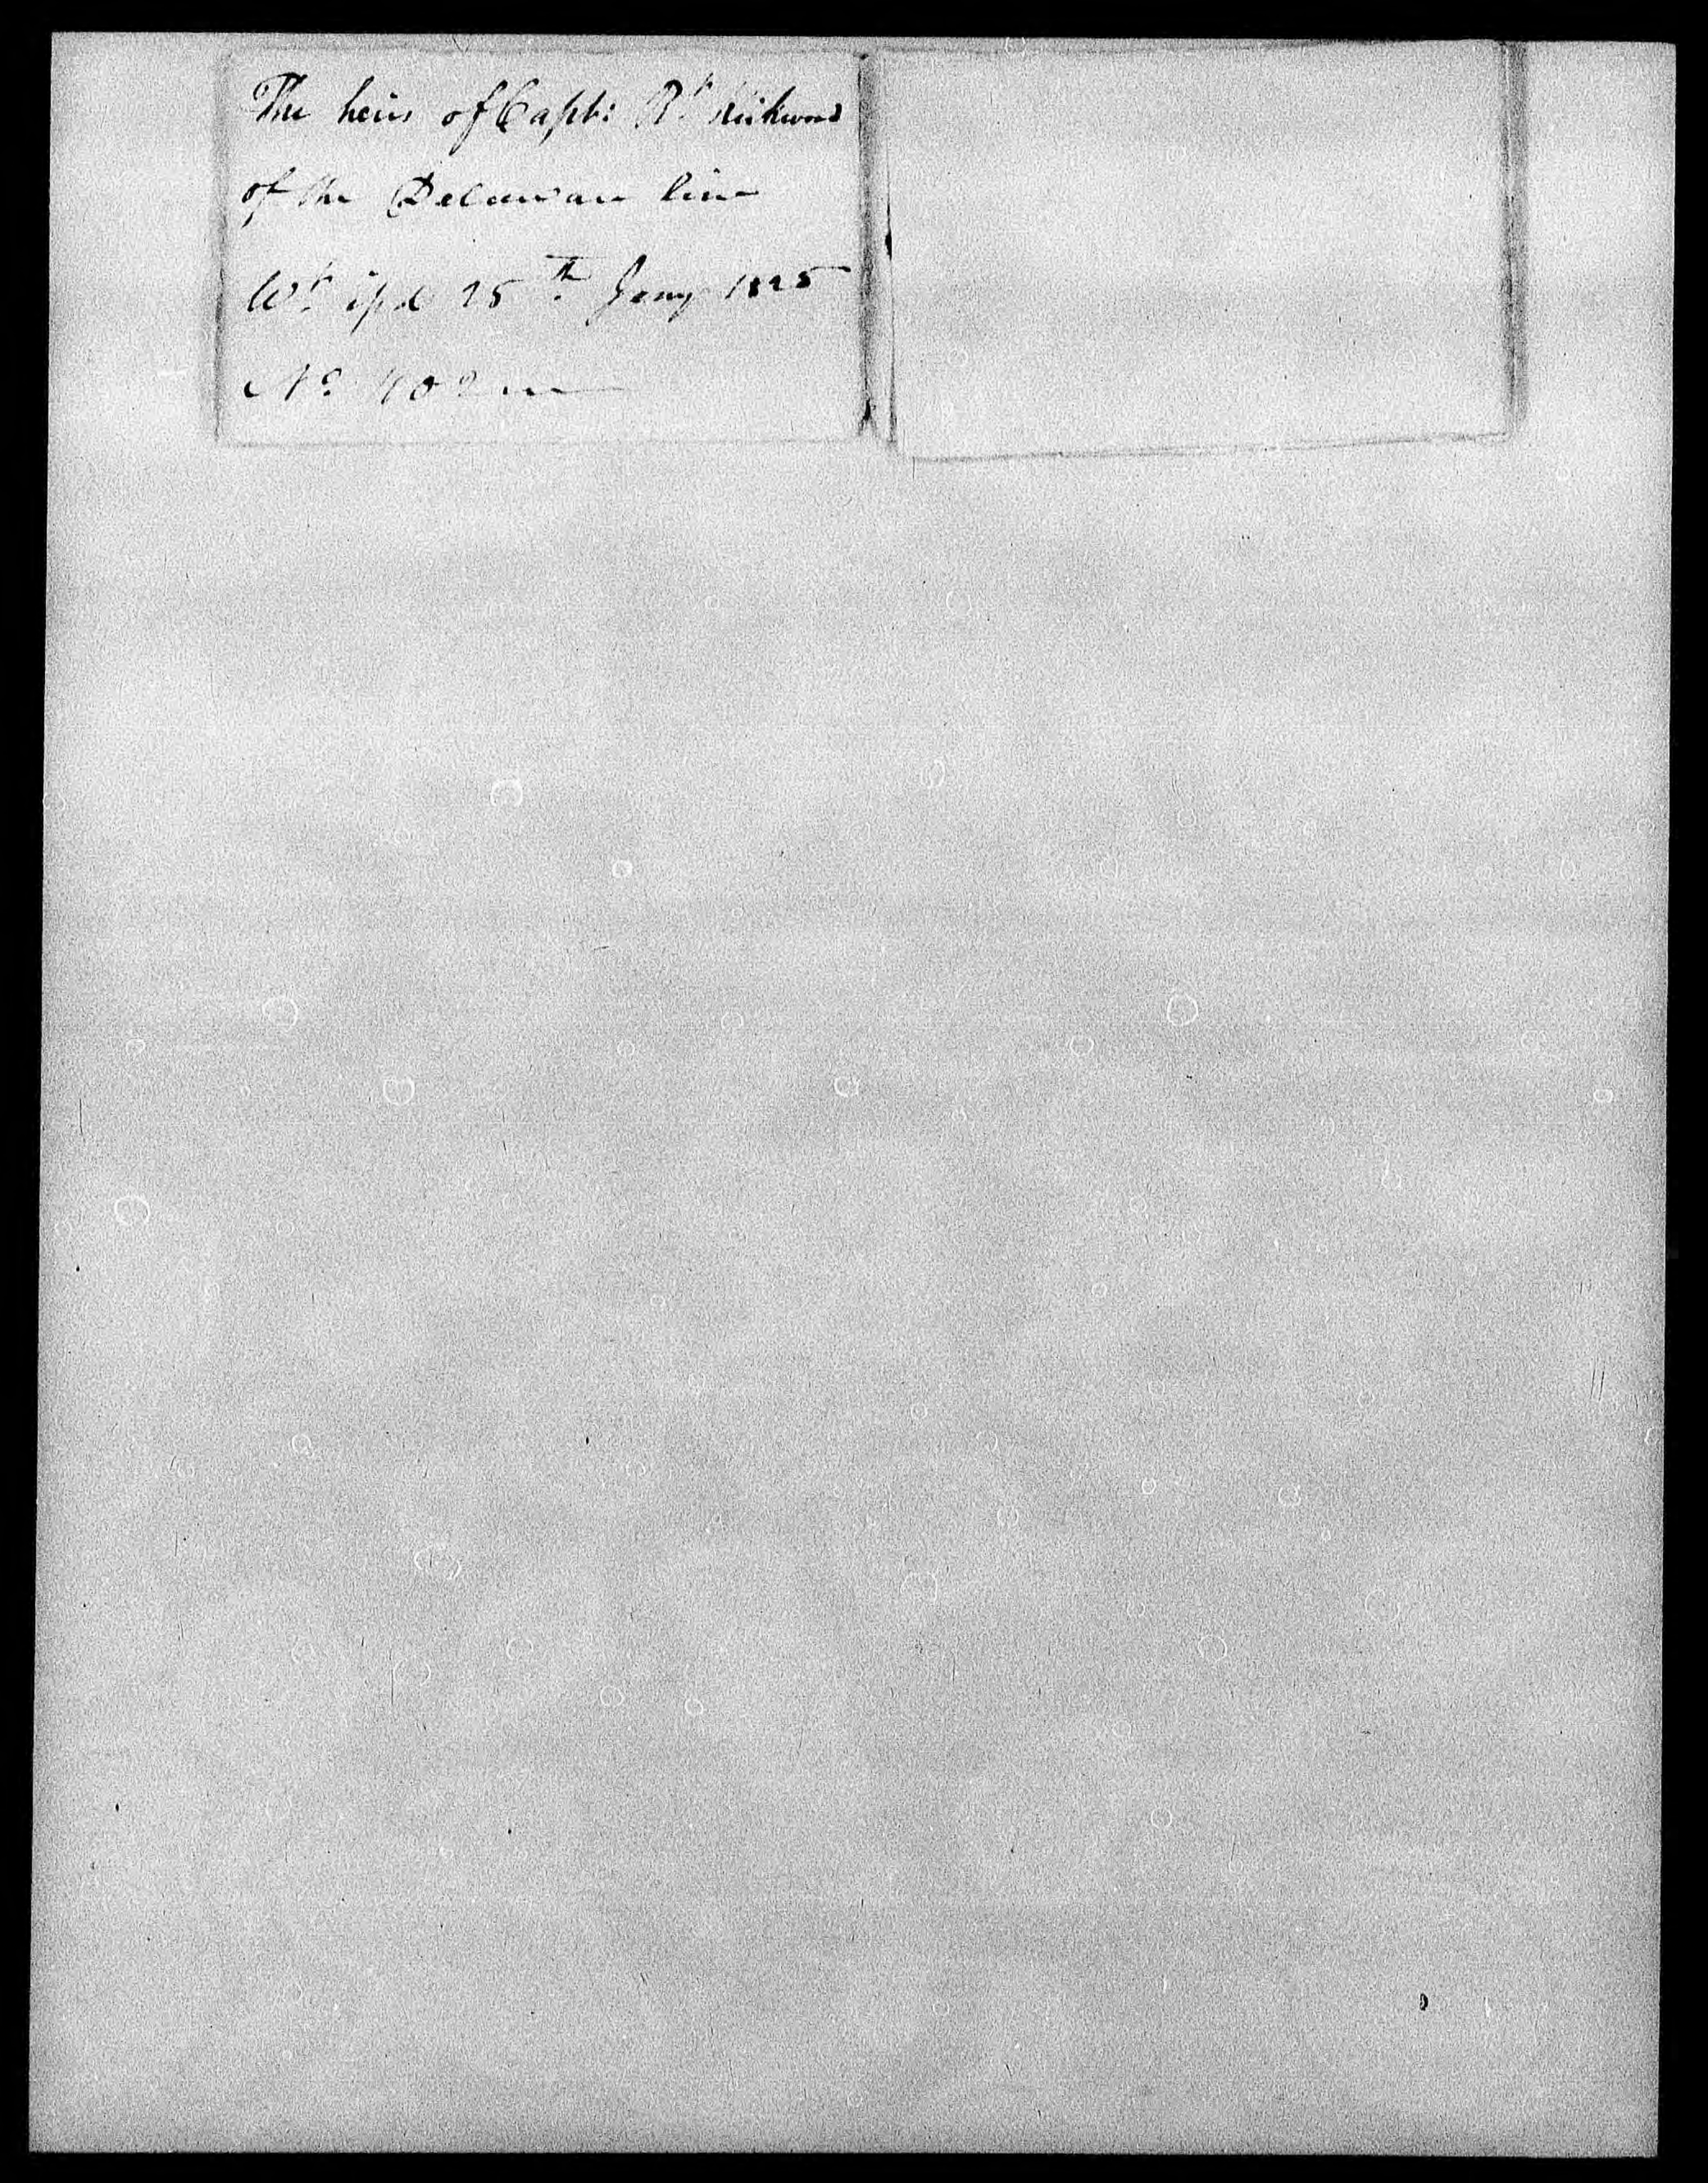The heirs of Capt. R. Kirkwood
of the Delaware Line
[illegible] 25th January 1825
No. 1102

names: Rt Kirkwood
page: 10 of 20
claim: bounty land warrant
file: B. L. Wt. 1102-300, for Robert Kirkwood, Delaware